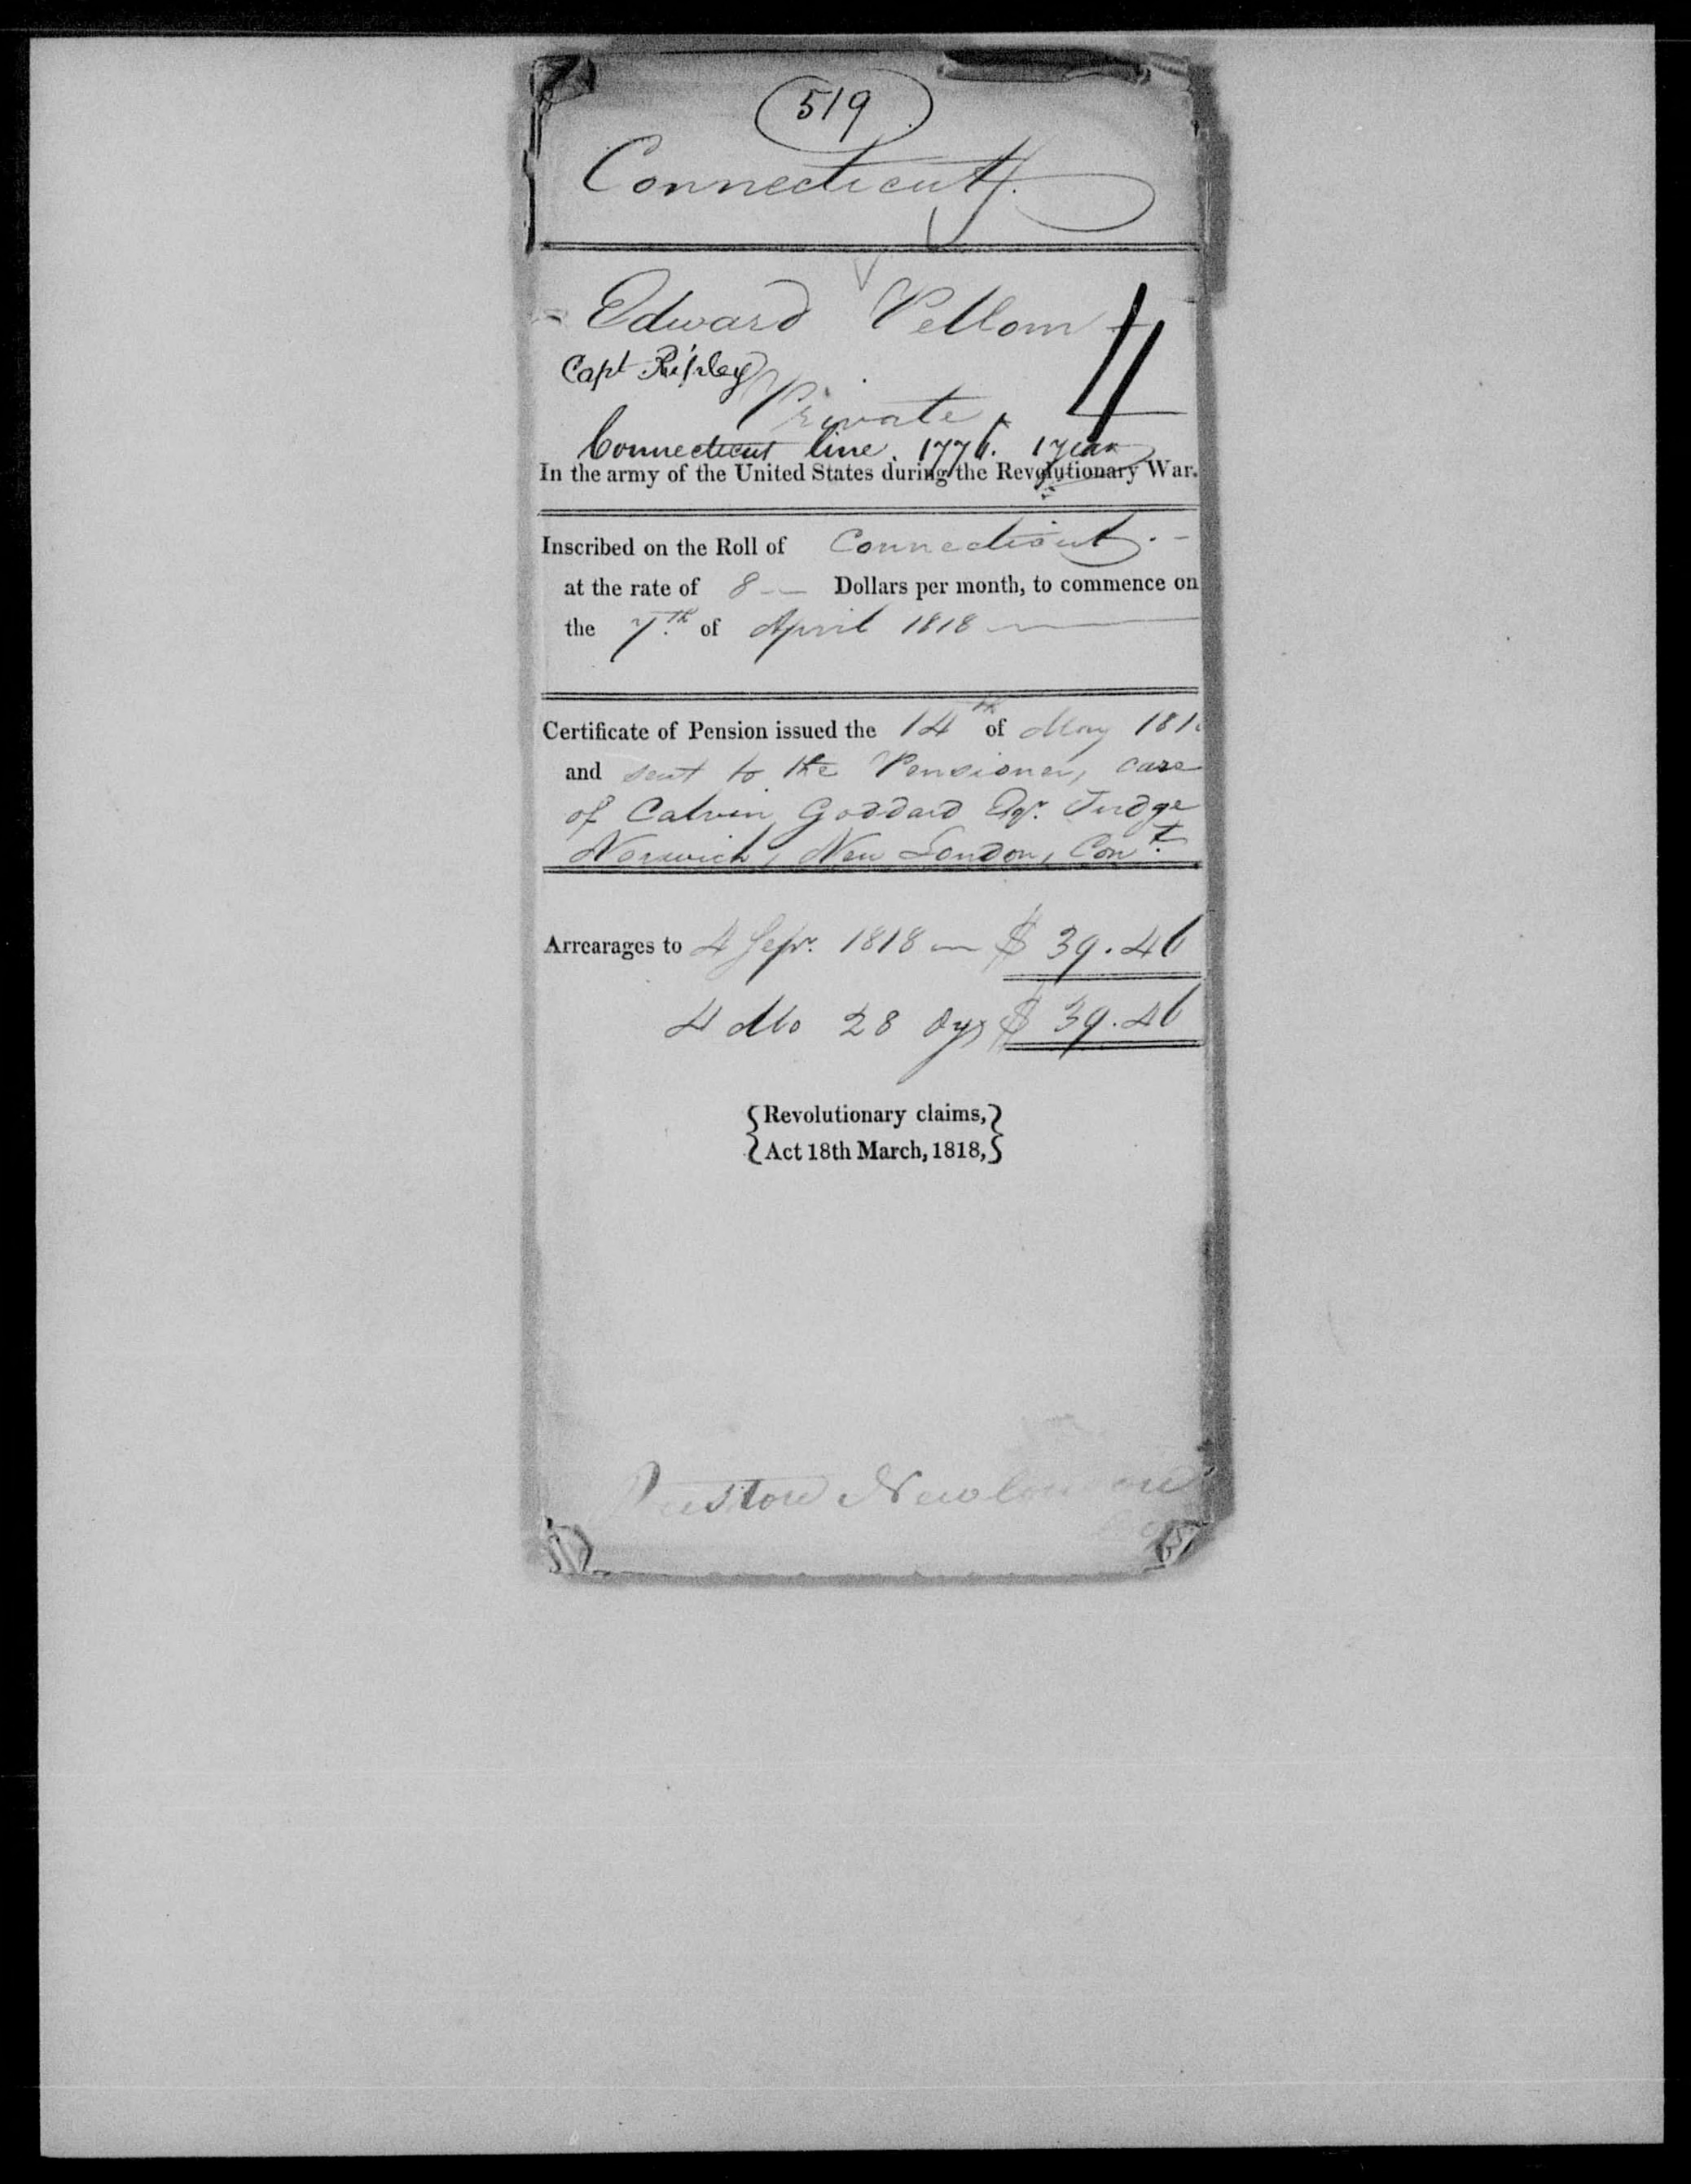[printed document with fill ins]

519 [circled]
Connecticut
================
Edward Pellom       4
Capt Ripley
Private
Connecticut Line 1776 1 year
In the army of the United States during the Revolutionary War
=====================
Inscribed on the Roll of  Connecticut
at the rate of 8 Dollars per month, to commence on
the 7th of April 1818
=============================
Certificate of Pension issued the 14th of May 181?
and sent to the Pensioner, case of 
Calvin Goddard Esq. Judge
of Norwich, New London, Con^
=========================
Arrearages to 4 Sept 1818   $39.46
4 [illegible] 28 dys    $39.46

Revolutionary claims,
Act 18th March, 1818,

[faintly written bottom of page]

Pristow  N/Hewlou?ore/ou
Co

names: Calvin Goddard; Edward Pellom; [BLANK] Ripley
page: 2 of 8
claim: survivor's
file: S. 36216, for Edward Pellom, Connecticut